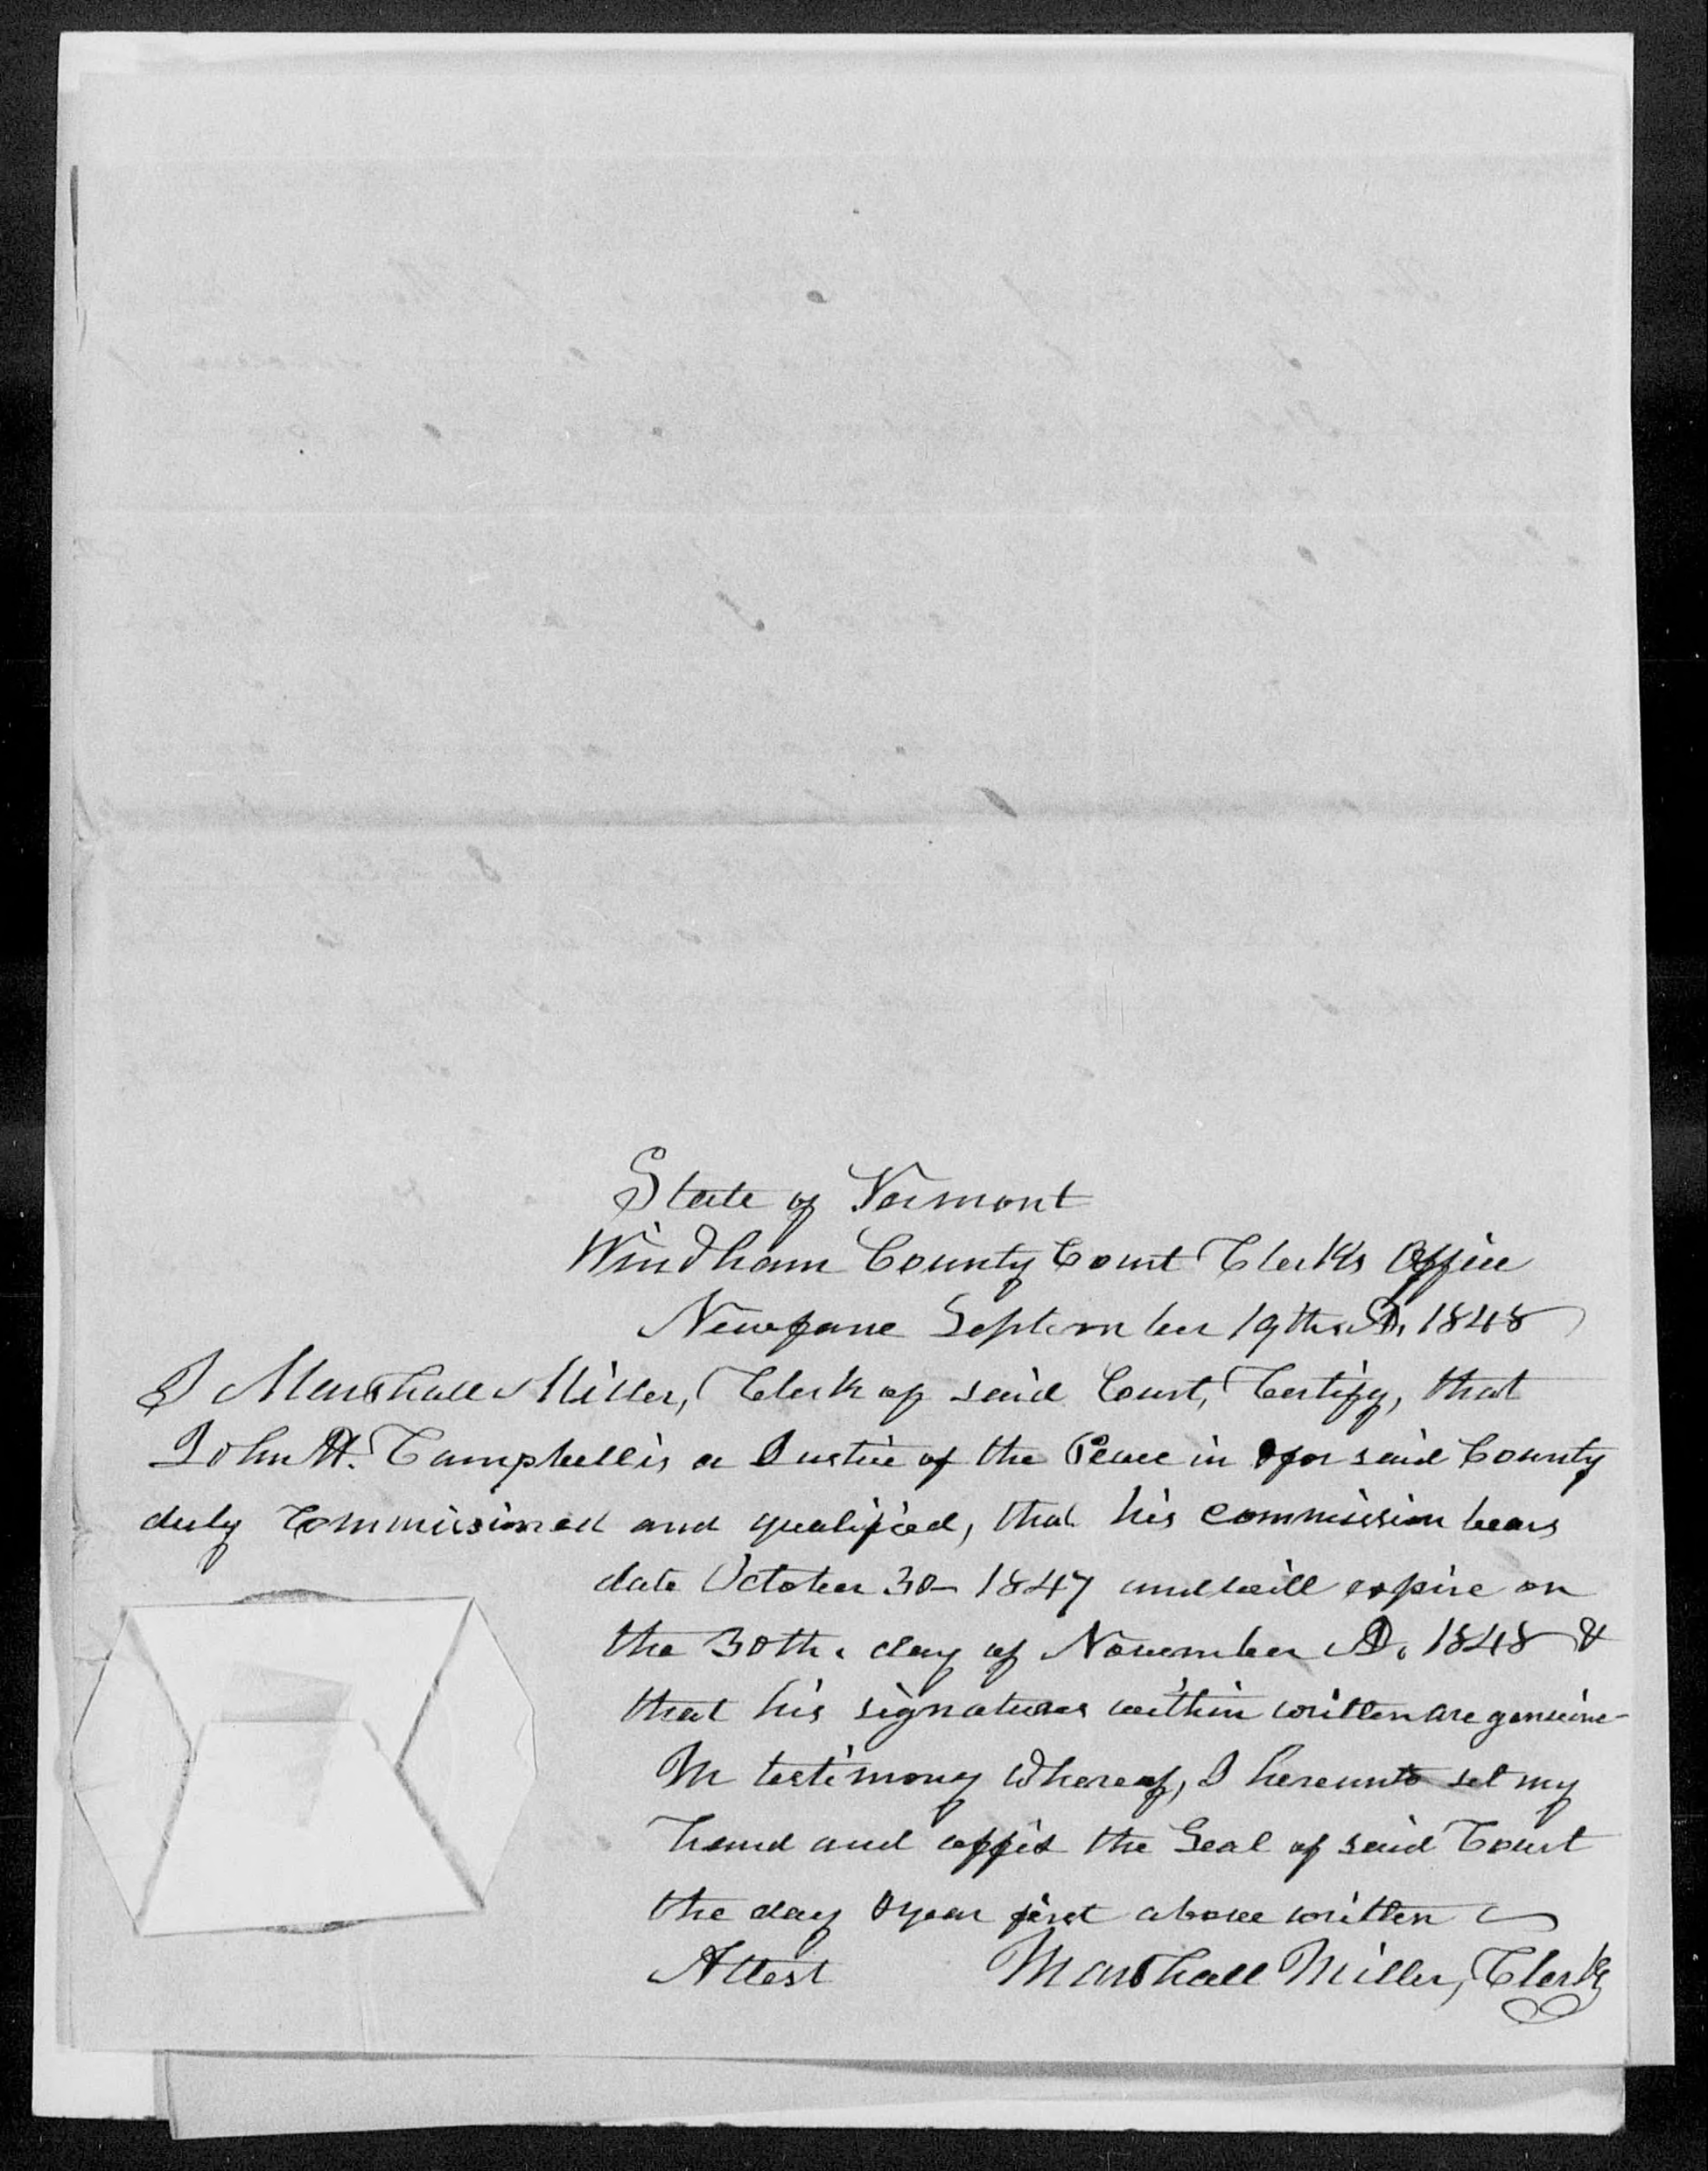State of Vermont
Windham County Court Clerk's Office
Newfane September 19th AD. 1848
I Marshall Miller, Clerk of said Court, Certify, that John H. Campbell's a Justice of the Peace in & for said County duly commissioned and qualified, that his commission bears date October 30 - 1847 and will expire on the 30th day of November AD. 1848 & that his signatures within written are genuine - 
[court seal affixed] In testimony whereof, I hereunto set my hand and affix the Seal of said Court the day & year first above written
Attest /s/Marshall Miller Clerk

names: John H Campbell, Marshall Miller, Marshall Miller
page: 41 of 41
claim: widow's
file: W. 15627, Timothy Carpenter, Vt.